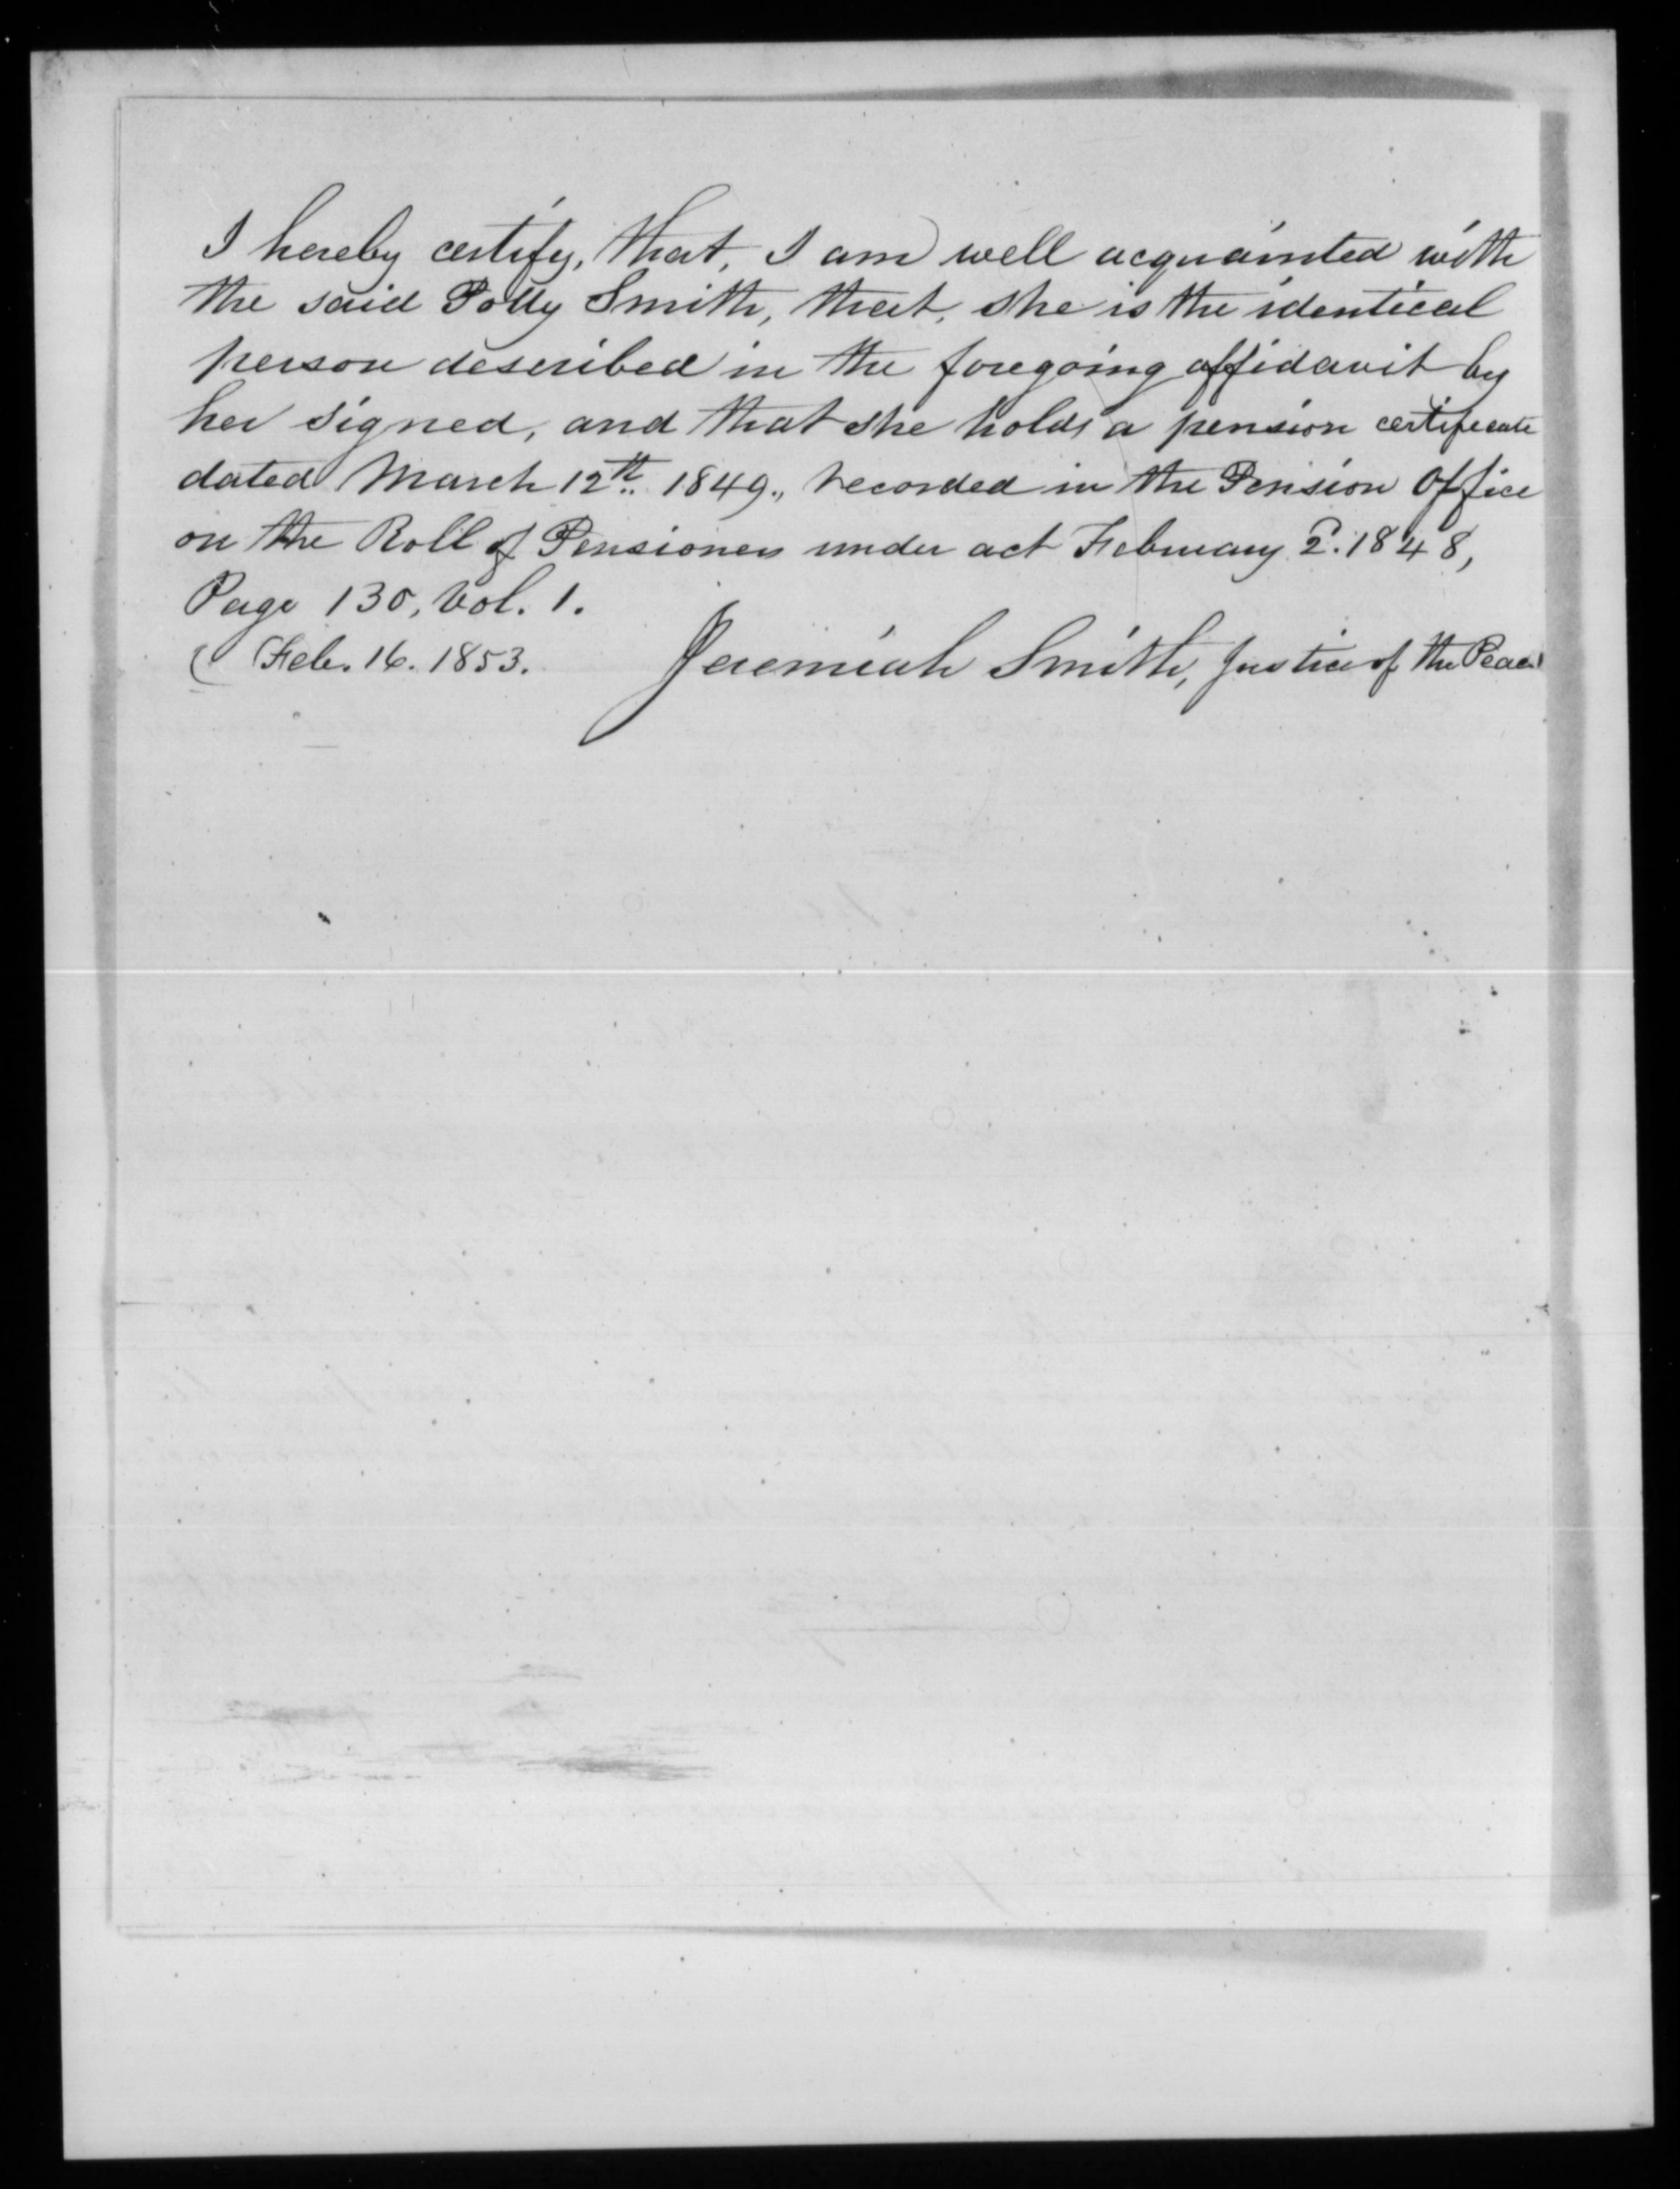I herby certify that I am well acquainted with the said Polly Smith, that she is the identical person described in the forgoing aforesaid by her signed and that she holds a pension certificate dated March 12th 1849. Recorded in the Pension Office on the Roll of Pensions under the Act of February 2, 1848, Page 130, Vol.1 
Feb. 16, 1853
Jeremiah Smith, Justice of the Peace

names: Jeremiah Smith; Polly Smith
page: 8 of 55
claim: widow's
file: W 19058, for James Smith, Massachusetts